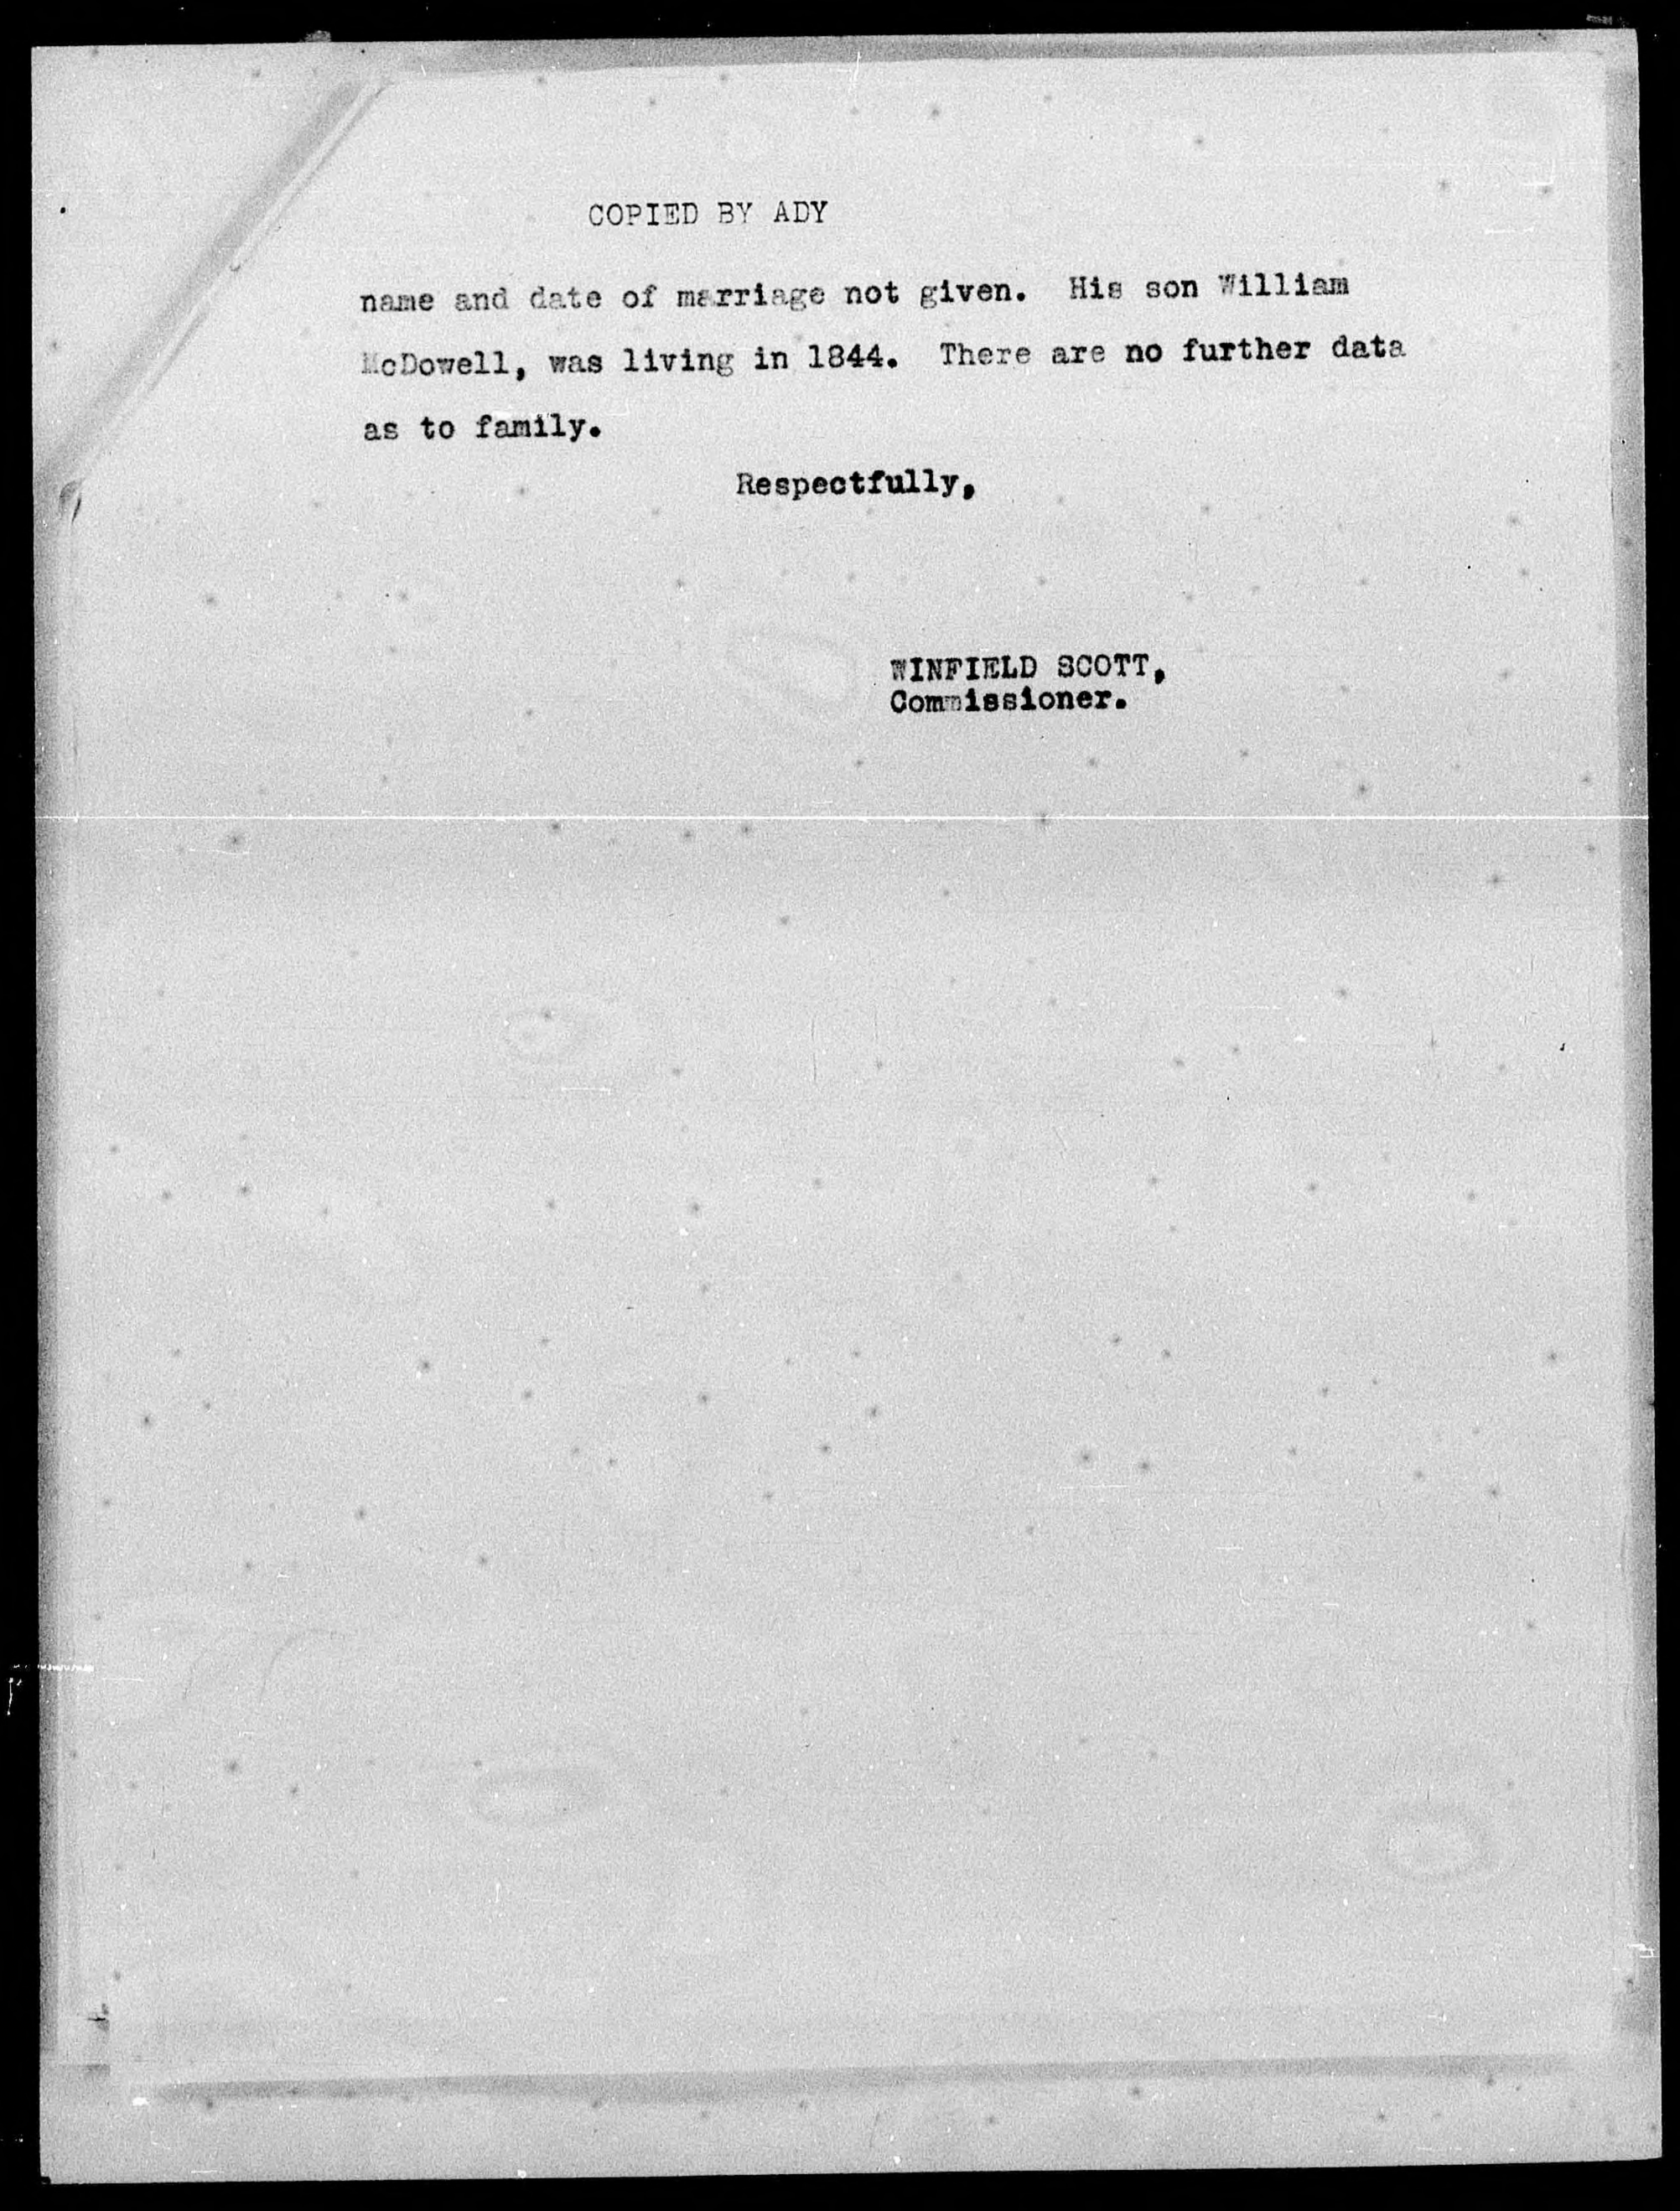COPIED BY ADY
Name and date of marriage not given. His son William
McDowell, was living in 1844.  There are no further data as to family
Respectfully,

WINFIELD SCOTT
Commissioner.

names: William Mc Dowell; Winfield Scott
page: 47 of 47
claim: survivor's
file: S. 30578, for John Mc Dowell, Virginia